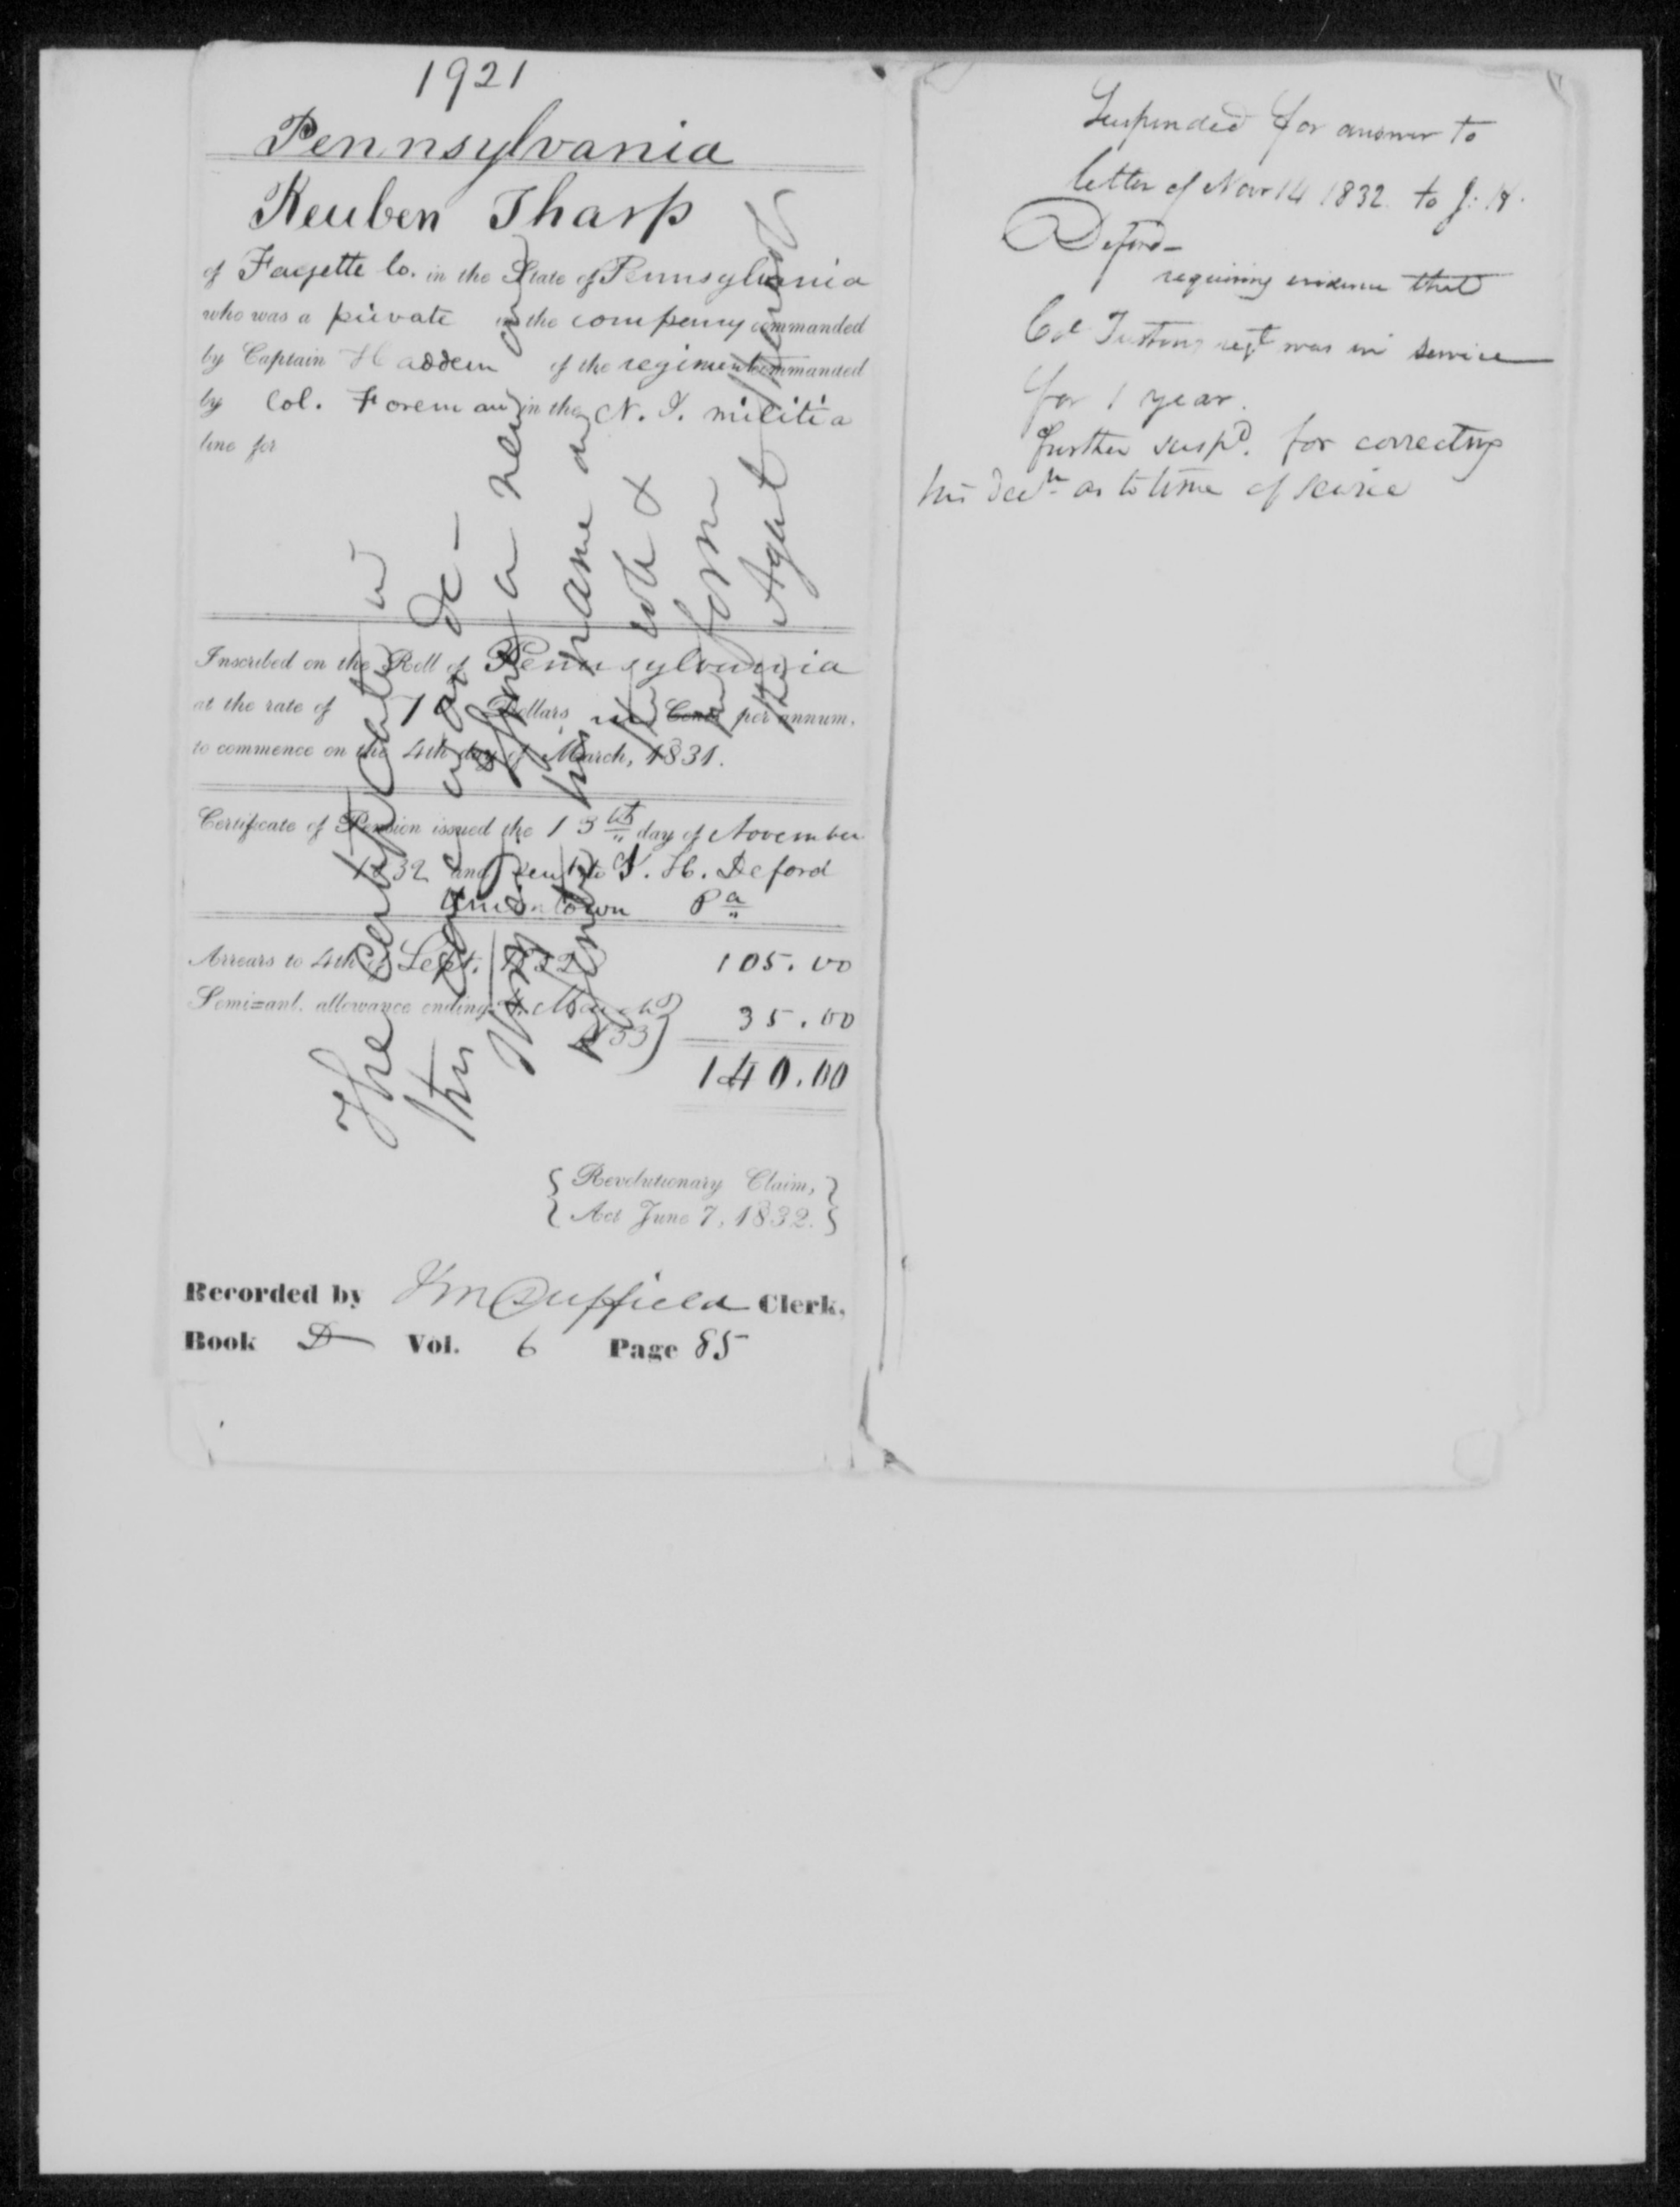[left side:]
1921
Pennsylvania
------------------------
Reuben Tharp
of Fayette Co. in the State of Pennsylvania
who was a private of the company commanded
by Captain Hadden of the regiment commanded
by Col. Foreman in the N. J. Militia
line for. [rest is blank]
---------------------------
Inscribed on the Roll of Pennsylvania
at the rate of 70 Dollars ['Cents' crossed out] per annum, to commence on the 4th March, 1831.
---------------------------
Certificate of Pension issued the 13th day of November 1832 and sent to S.H. Deford
Uniontown Pa
---------------------------
Arrears to 4th Sept. 1832            105.00
Semi-anl. allowance ending 
4 March 1833                                  35.00
                                                     ________
                                                        140.00
⎨ Revolutionary Claim, }
  { Act June 7, 1832.      }

Recorded by J.M. Duffield Clerk
Book D    Vol. 6    Page 85

[right side:]
Suspended for answer to
letter of Nov 14 1832 to J.H. Deford-
requiring evidence that
Col Tustons regt was in service
for 1 year
further suspd for correcting
his decln as to time of service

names: [BLANK] Foreman; Reuben Tharp; S H Deford; J M Duffield; [BLANK] Hadden; [BLANK] Tuston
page: 13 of 28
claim: survivor's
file: S. 6229, for Reuben Thorp, New Jersey